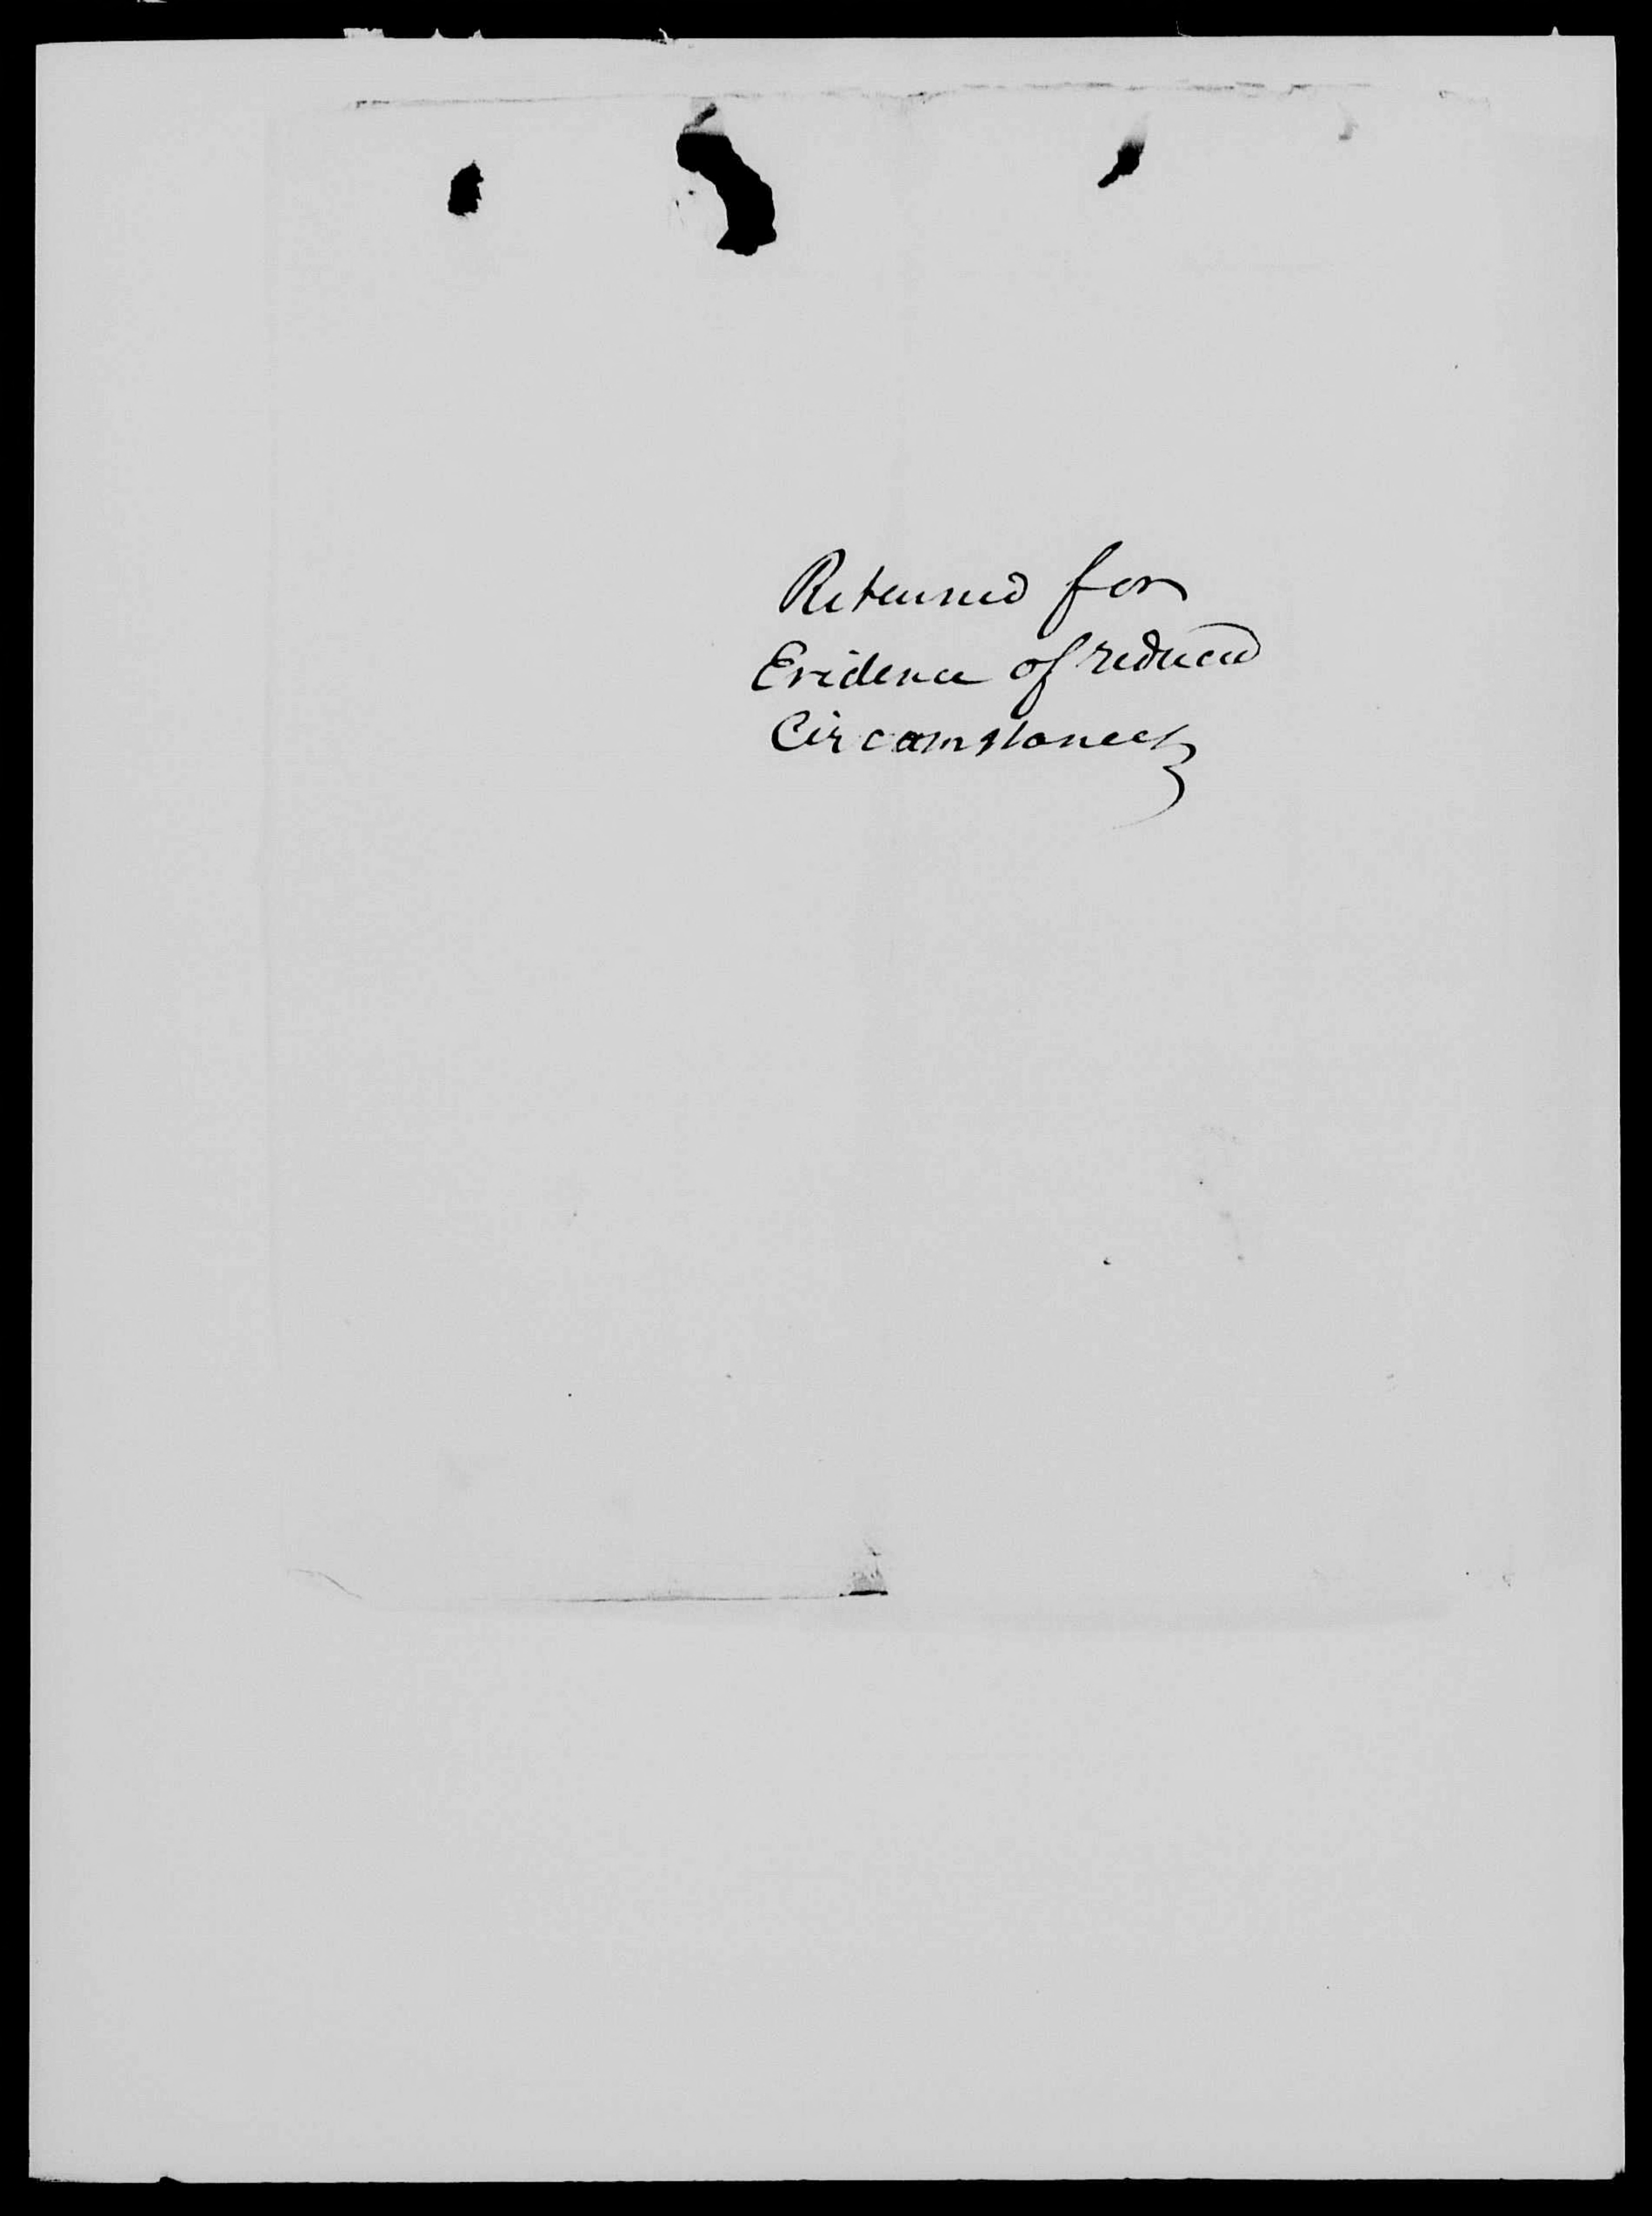Returned for 
Evidence of reduced 
Circumstances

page: 8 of 17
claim: survivor's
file: S 41436, Aaron Bixby, N.H.